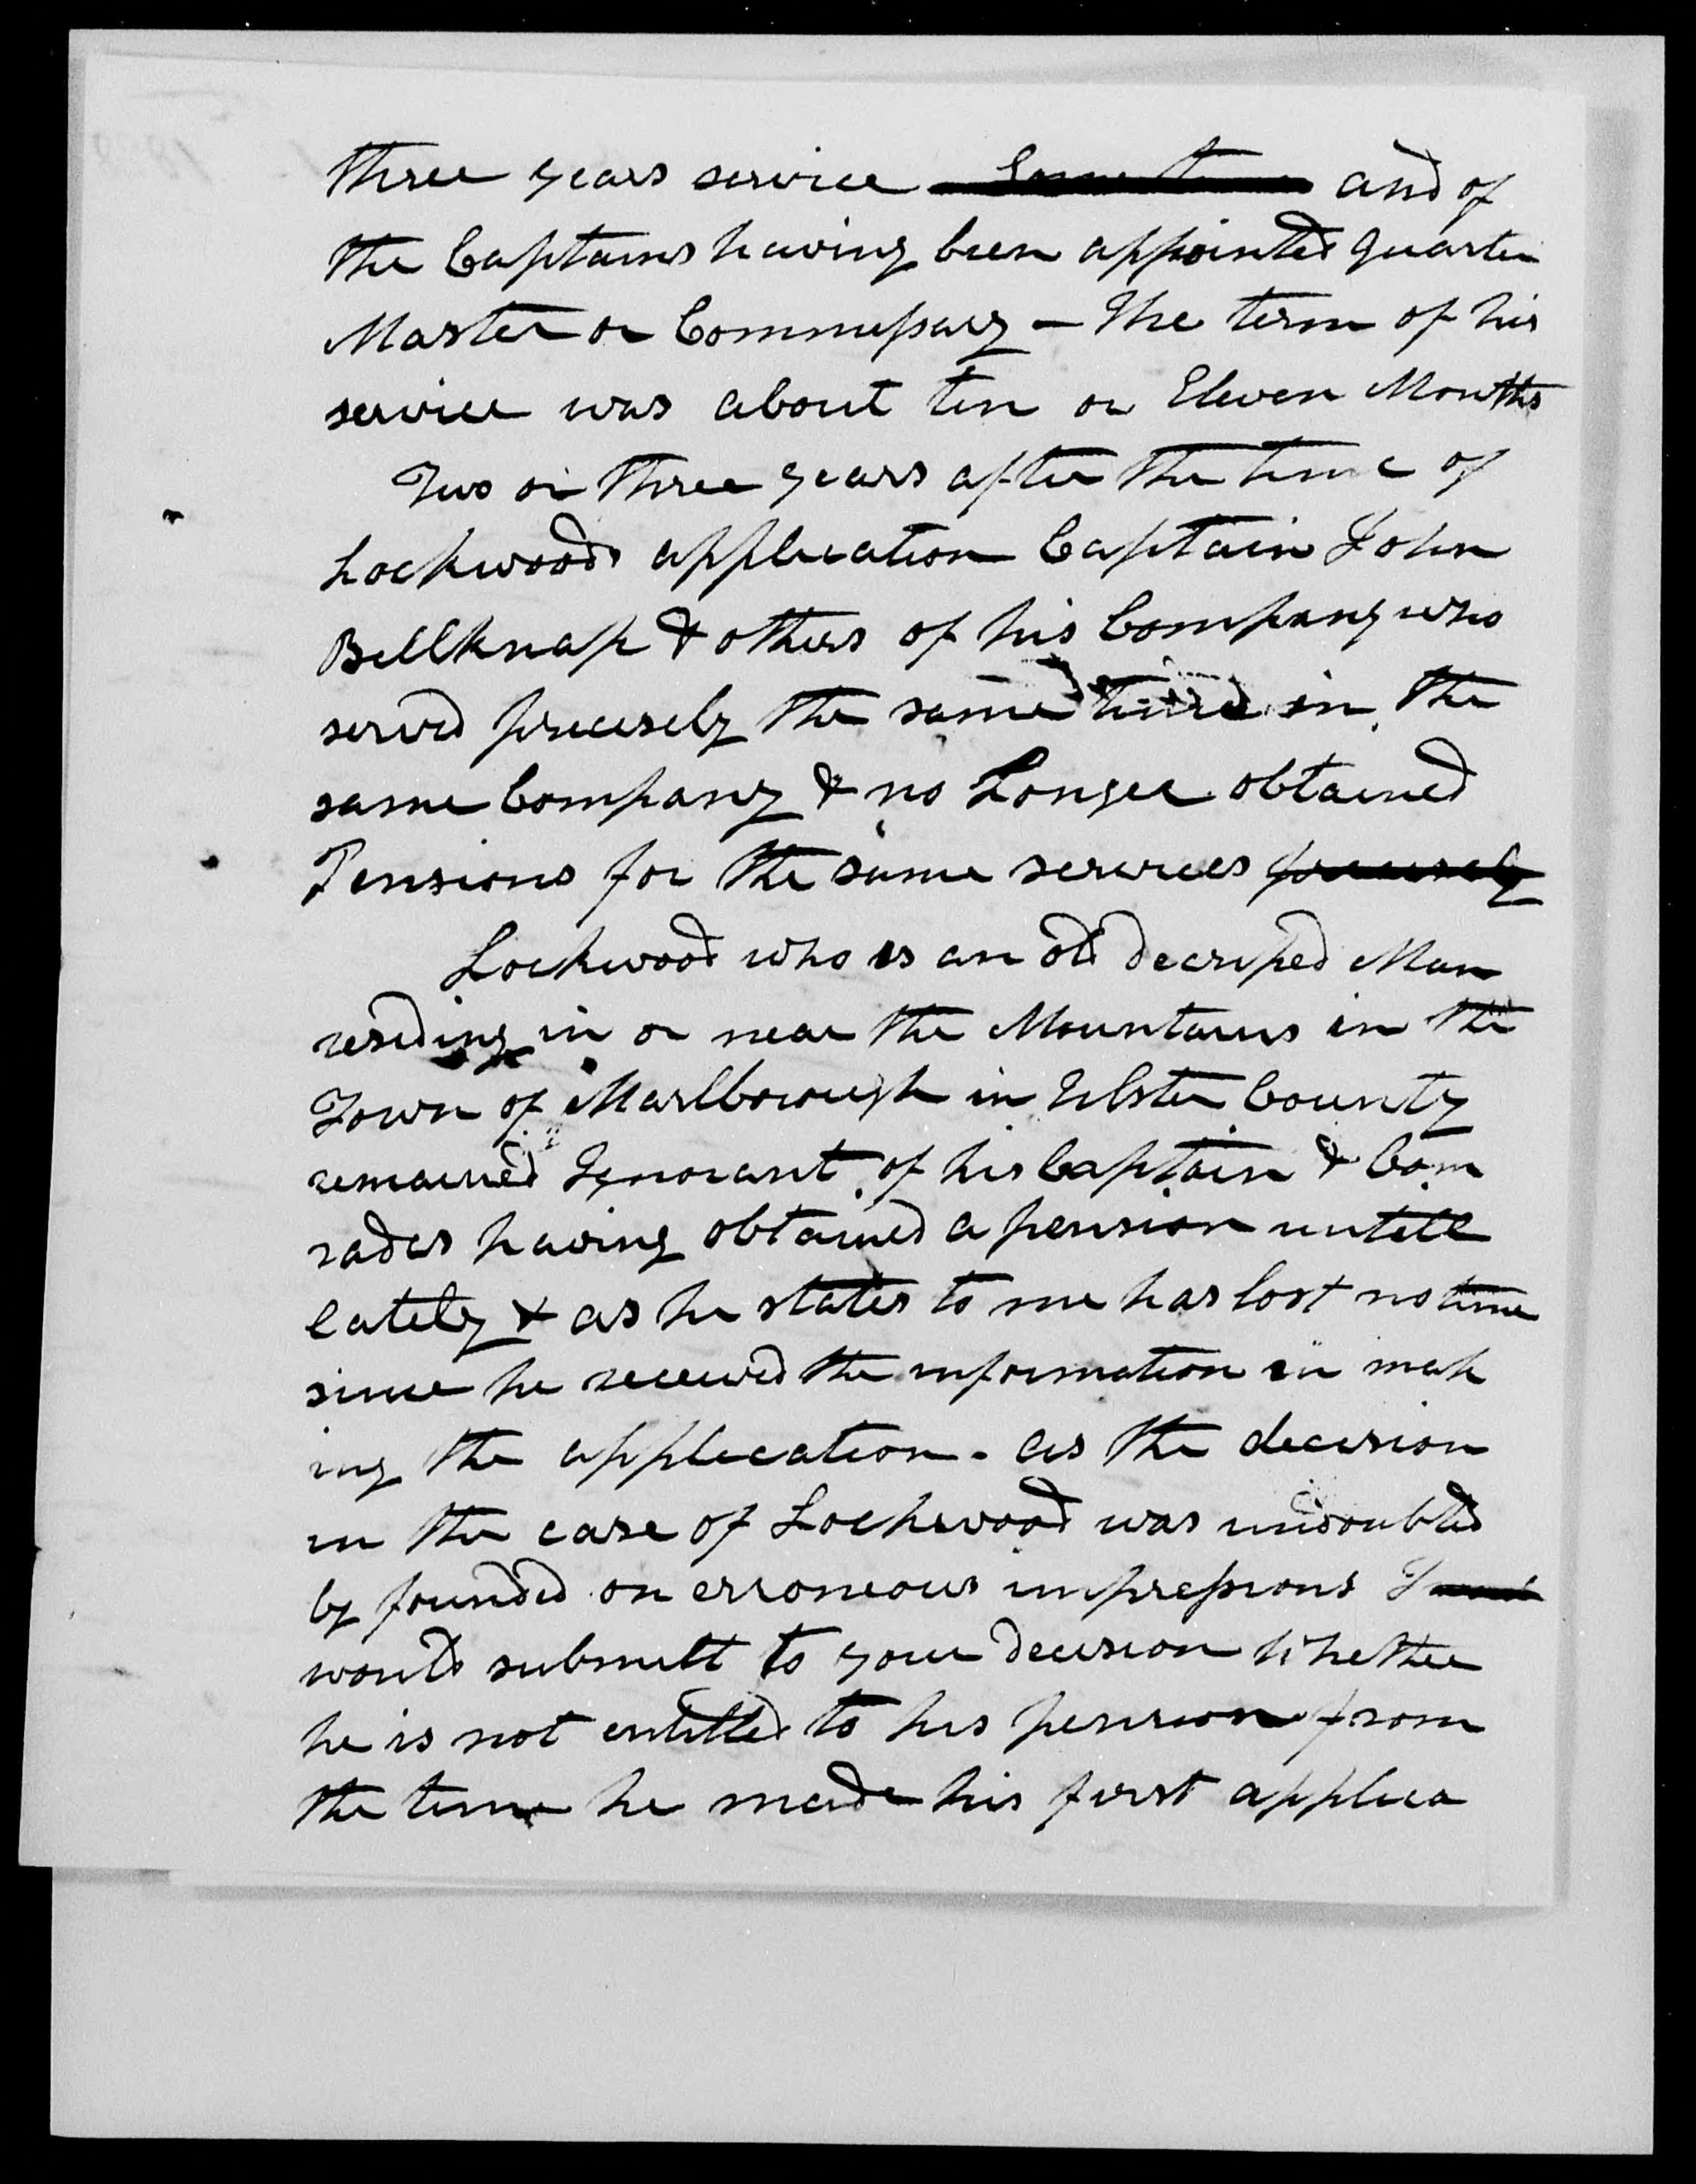three years service and of the Captains having been appointed Quarter Master or Commissary - The term of his service was about ten or eleven months

Two or three years after the time of Lockwood application Captain John Bellknap & others of his Company who served precisely the same time in the same Company & no Longer obtained Pensions for the same services

Lockwood who is an old decriped Man residing in or near the Mountains in the Town of Marlborough in Ulster County remained Ignorant of his Captain & Comrades having obtained a pension untill lately & as he states to me has lost no time since he received the information in making the application.  As the decision in the case of Lockwood was subscribed? by founded on erroneous impressions I want to submit to your decision as whether he is not entitled to his pension from the time and made his first applica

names: [BLANK] Lockwood; John Bellknap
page: 14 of 23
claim: survivor's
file: S 42891, for Isaac Lockwood, New York